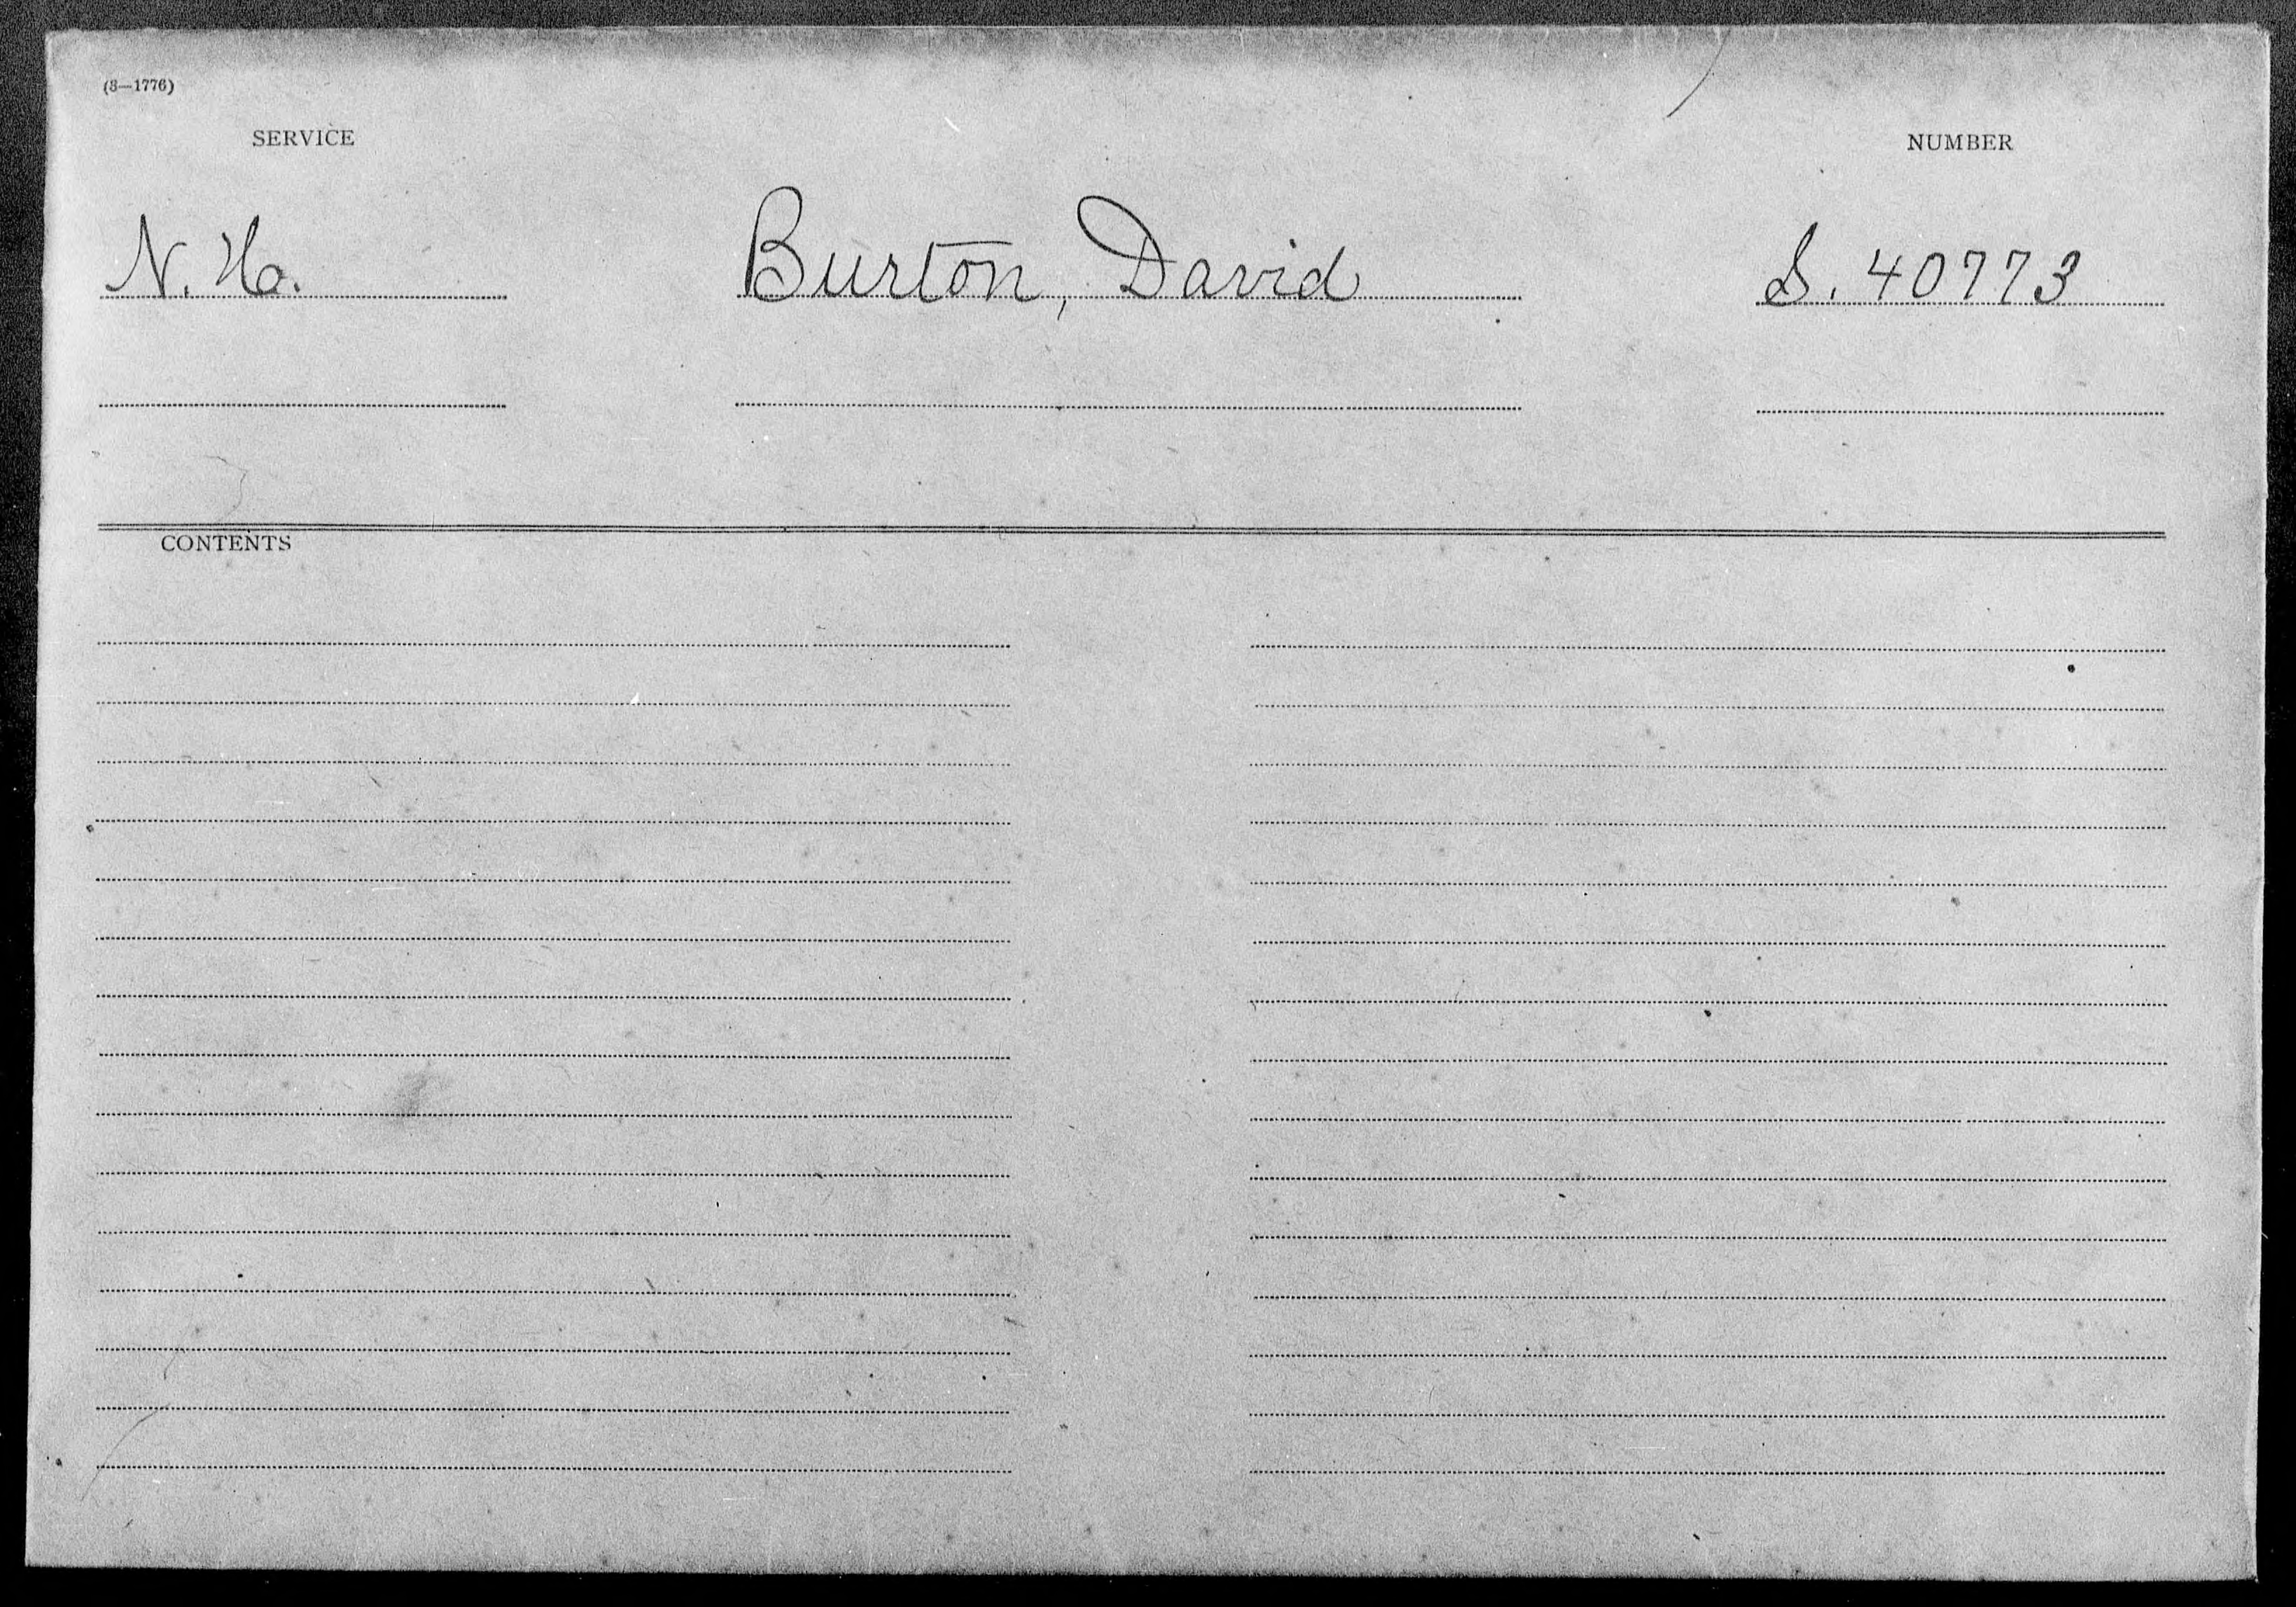Service
N.H.

Burton, David

Number
S.40773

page: 1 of 18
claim: survivor's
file: S. 40773, David Burton, N.H.